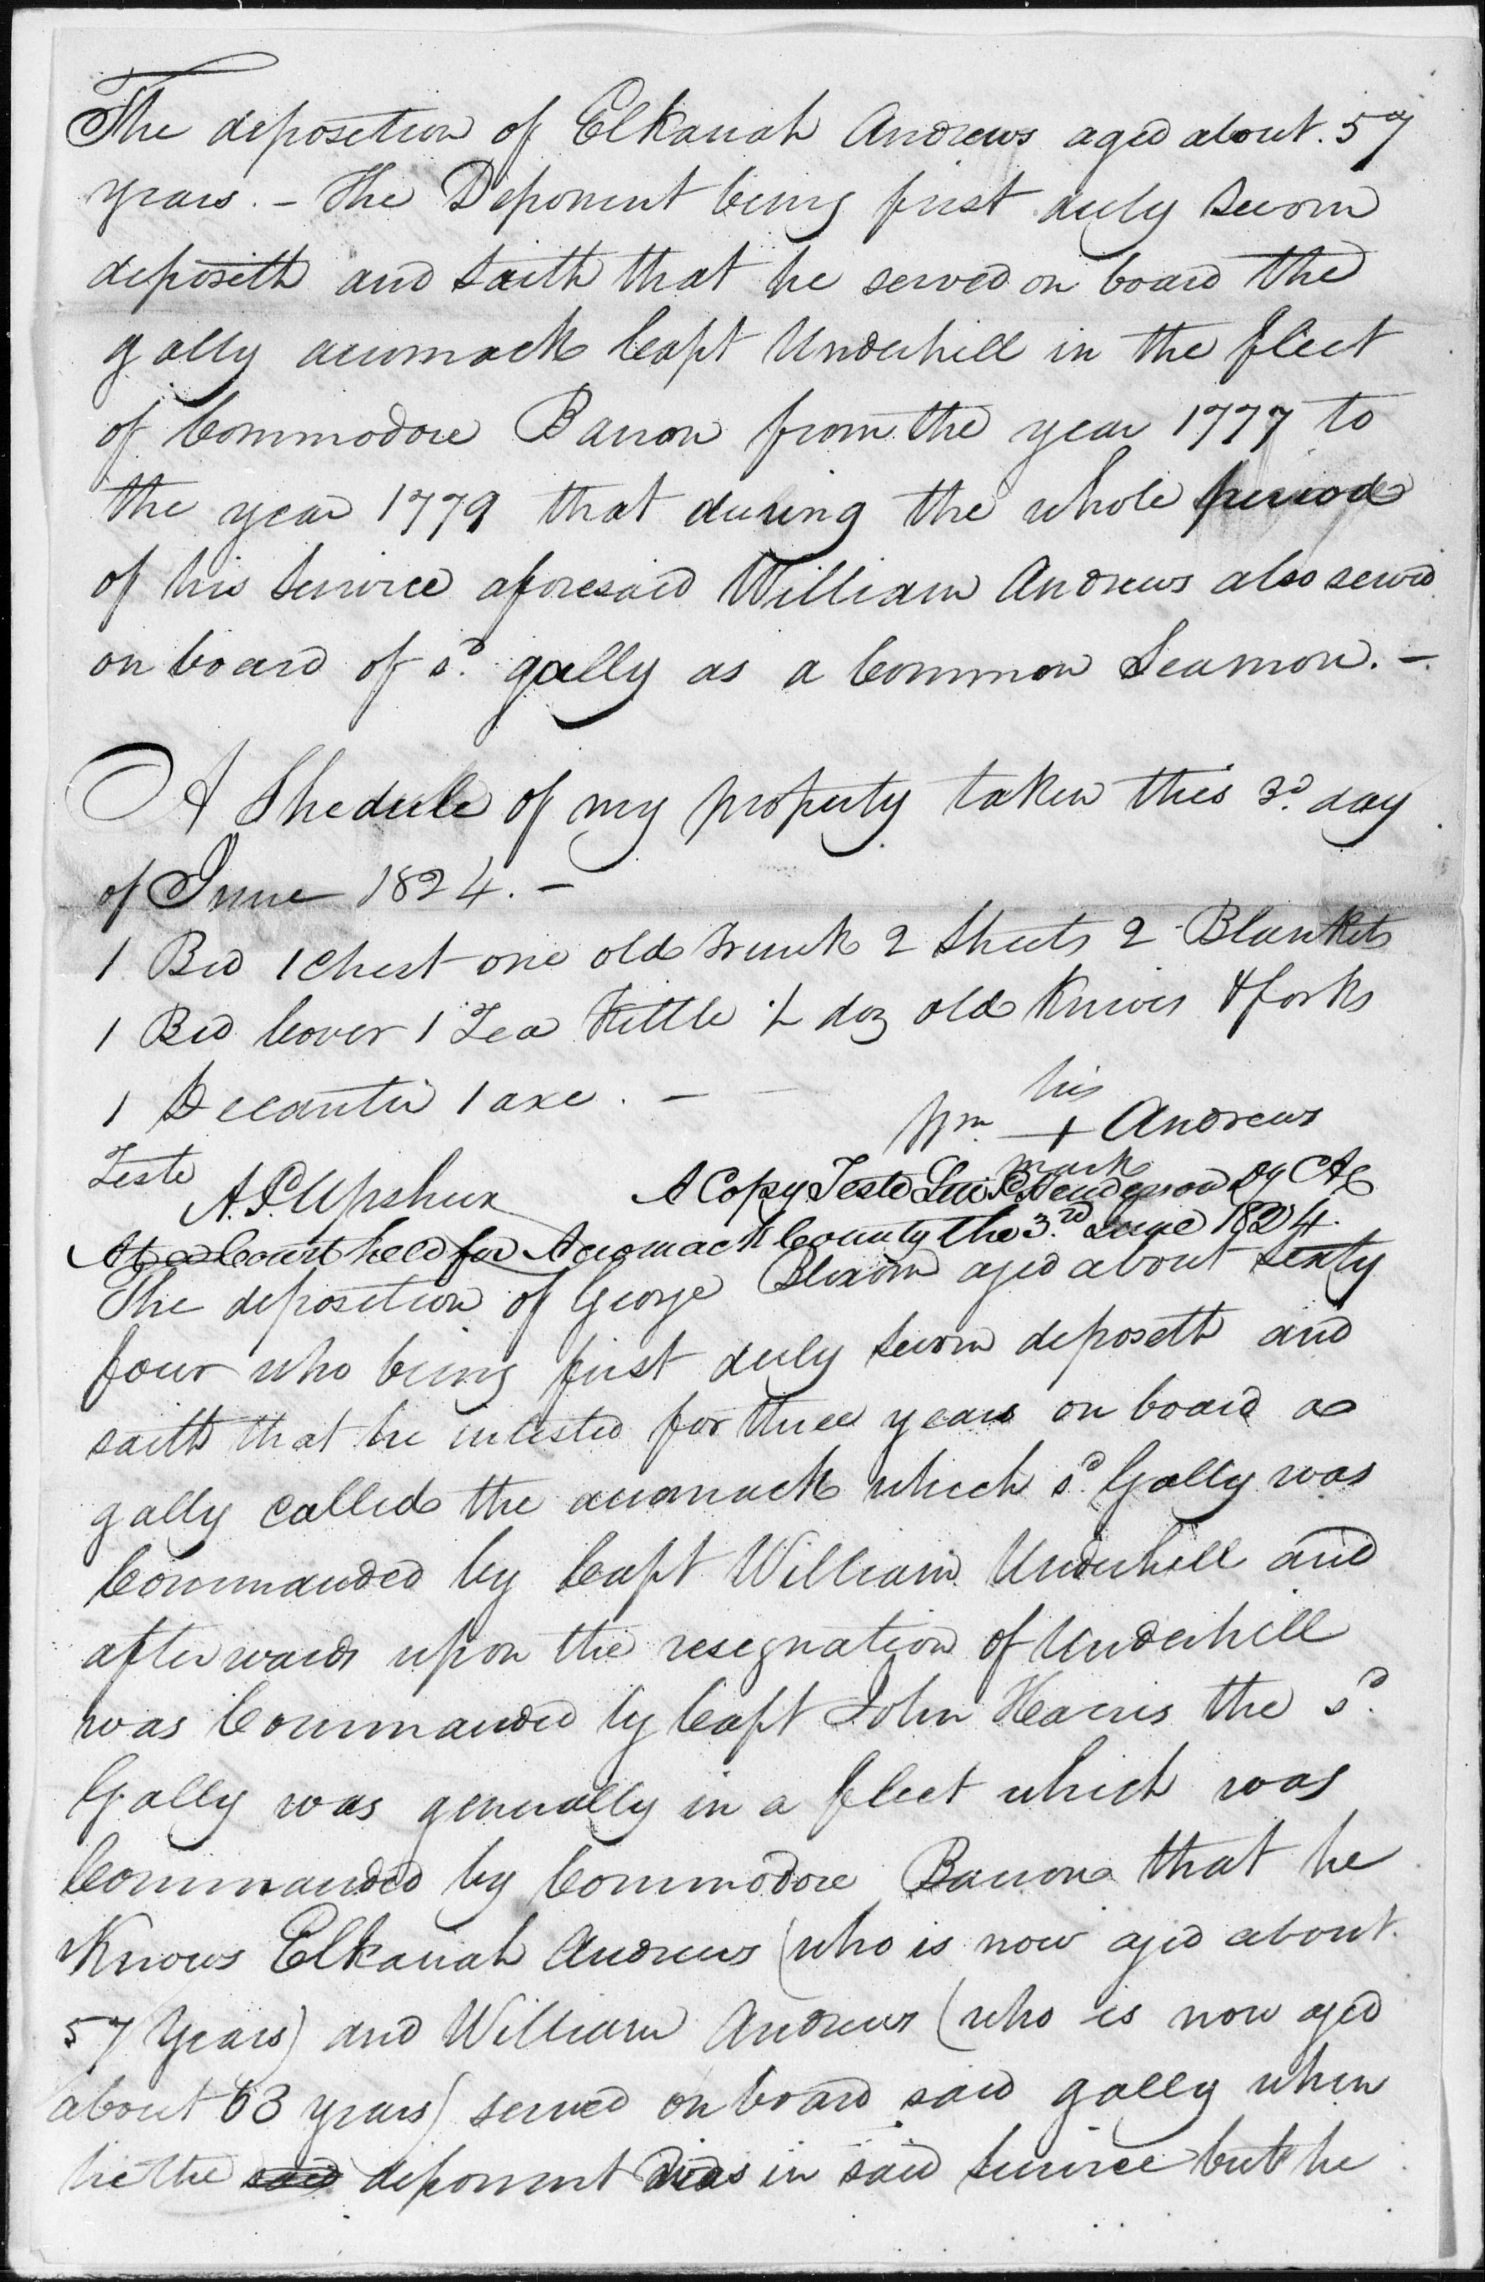The deposition of Elkanah Andrews aged about 57 years - The Despondent being first duly sworn deposith and saith that he served on board the gally Accomack Capt Underhill in the fleet of Commander Barron from the year 1777 to the year 1779 that during the whole period of his Service aforesaid William Andrews also served on board of said gally as a common seaman.
A Schedule of my property taken this 3rd day of June 1824

1 Bed 1 Chest one old trunk 2 Sheets 9 Blankets 1 Bed cover 1 Tea Kettle 2 doz old knives & forks 1 Decanter 1 axe
Teste
A. P. Upshear
Wm. Andrews
x his mark
A copy Teste (?) by A (?) 
At a Court held for Accomack County the 3rd June 1824.
The deposition of George Bluxom aged about sixty four who being first duly Sworn deposeth and saith that he enlisted for three years on board as galley callido the Accomack which aforesaid Gally was Commanded by Capt William Underhill and afterwards upon the resignation of Underhill was Commanded by Capt John Heacris the aforesaid Gally was generally in a fleet which was Commanded by Commander Barron, that he knows Elkanah Andrews (who is now aged about 57 years) and William Andrew (who is now aged about 83 years) served on board said gally when he then departed i said Service that he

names: Gally, Barron, George Bloxom, Gally, Elkanah Andrews, Underhill, William Andrews, Gally, John Harris, William Andrews, Wm Andrews, William Underhill, A P Upshur, Gally, Elkanah Andrews, Litt P Henderson, Gally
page: 6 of 6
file: [BLANK], William Andrews, Va. Sea Service